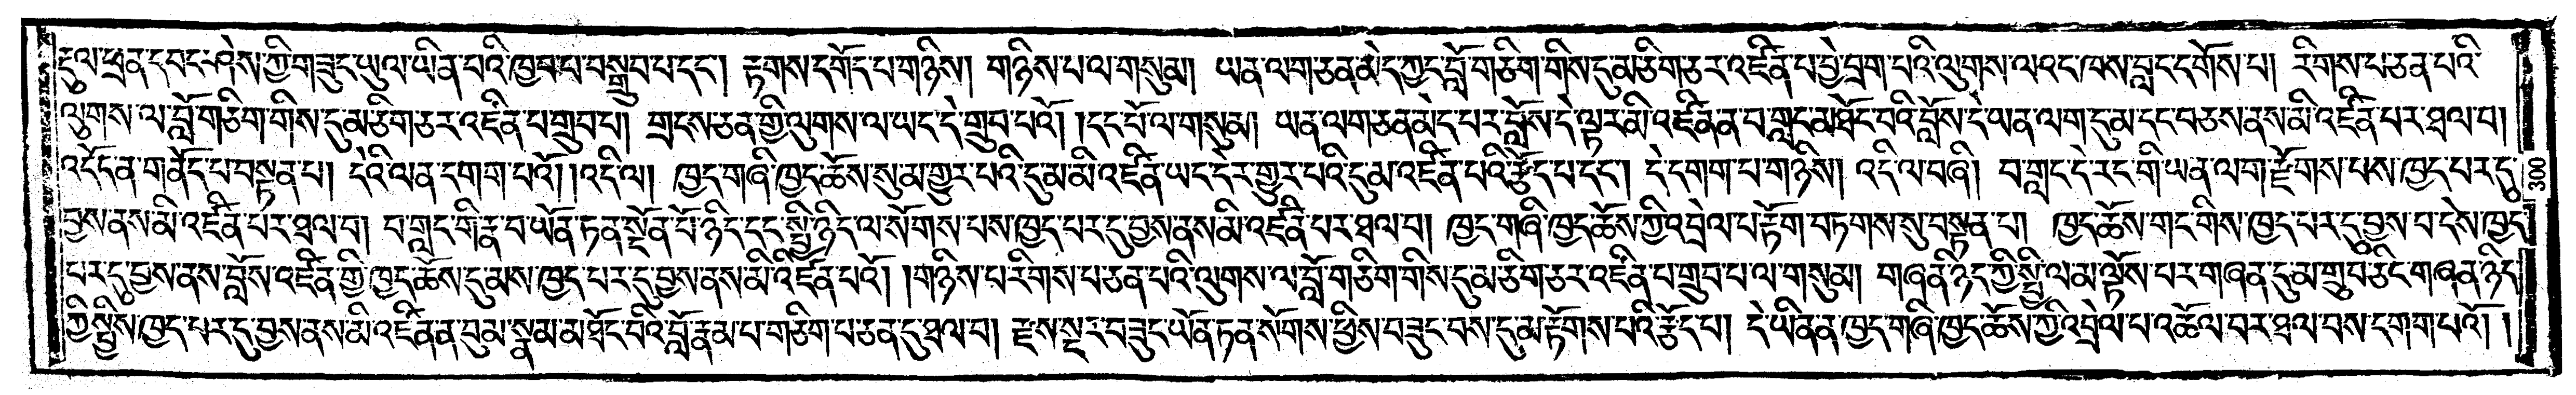རྡུལ་ཕྲན་དབང་ཤེས་ཀྱི་གཟུང་ཡུལ་ཡིན་པའི་ཁྱབ་པ་བསྒྲུབ་པ་དང་། རྟགས་དགོད་པ་གཉིས། གཉིས་པ་ལ་གསུམ། ཡན་ལག་ཅན་མེད་ཀྱང་བློ་གཅིག་གིས་དུ་མ་ཅིག་ཅར་འཛིན་པ་བྱེ་བྲག་པའི་ལུགས་ལའང་ཁས་བླང་དགོས་པ། རིགས་པ་ཅན་པའི་
ལུགས་ལ་བློ་གཅིག་གིས་དུ་མ་ཅིག་ཅར་འཛིན་པ་གྲུབ་པ། གྲངས་ཅན་གྱི་ལུགས་ལ་ཡང་དེ་གྲུབ་པའོ། །དང་པོ་ལ་གསུམ། ཡན་ལག་ཅན་མེད་པར་བློས་དེ་ལྟར་མི་འཛིན་ན་བ་གླང་མཐོང་བའི་བློས་དེ་ཡན་ལག་དུ་མ་དང་བཅས་ནས་མི་འཛིན་པར་ཐལ་བ།
འདོད་ན་གནོད་པ་བསྟན་པ། དེའི་ལན་དགག་པའོ། །འདི་ལ། ཁྱད་གཞི་ཁྱད་ཆོས་སུ་མ་གྱུར་པའི་དུ་མ་མི་འཛིན་ཡང་དེར་གྱུར་པའི་དུ་མ་འཛིན་པའི་རྩོད་པ་དང་། དེ་དགག་པ་གཉིས། འདི་ལ་བཞི། བ་གླང་དེ་རང་གི་ཡན་ལག་རྫོགས་པས་ཁྱད་པར་དུ་
བྱས་ནས་མི་འཛིན་པར་ཐལ་བ། བ་གླང་གི་རྣ་བ་ཡོན་ཏན་སྔོན་པོ་ཉིད་དང་སྤྱི་ཉིད་ལ་སོགས་པས་ཁྱད་པར་དུ་བྱས་ནས་མི་འཛིན་པར་ཐལ་བ། ཁྱད་གཞི་ཁྱད་ཆོས་ཀྱི་འབྲེལ་པ་རྟོག་བཏགས་སུ་བསྟན་པ། ཁྱད་ཆོས་གང་གིས་ཁྱད་པར་དུ་བྱས་པ་དེས་ཁྱད་
པར་དུ་བྱས་ནས་བློས་འཛིན་གྱི་ཁྱད་ཆོས་དུ་མས་ཁྱད་པར་དུ་བྱས་ནས་མི་འཛིན་པའོ། །གཉིས་པ་རིགས་པ་ཅན་པའི་ལུགས་ལ་བློ་གཅིག་གིས་དུ་མ་ཅིག་ཅར་འཛིན་པ་གྲུབ་པ་ལ་གསུམ། གཞན་ཉིད་ཀྱི་སྤྱི་ལ་མ་ལྟོས་པར་གཞན་དུ་མ་གྲུབ་ཅིང་གཞན་ཉིད་
ཀྱི་སྤྱིས་ཁྱད་པར་དུ་བྱས་ནས་མི་འཛིན་ན་བུམ་སྣམ་མཐོང་བའི་བློ་རྣམ་པ་གཅིག་པ་ཅན་དུ་ཐལ་བ། རྫས་སྔར་བཟུང་ཡོན་ཏན་སོགས་ཕྱིས་བཟུང་བས་དུ་མ་རྟོགས་པའི་རྩོད་པ། དེ་ཡིན་ན་ཁྱད་གཞི་ཁྱད་ཆོས་ཀྱི་འབྲེལ་པ་འཆོལ་བར་ཐལ་བས་དགག་པའོ། །